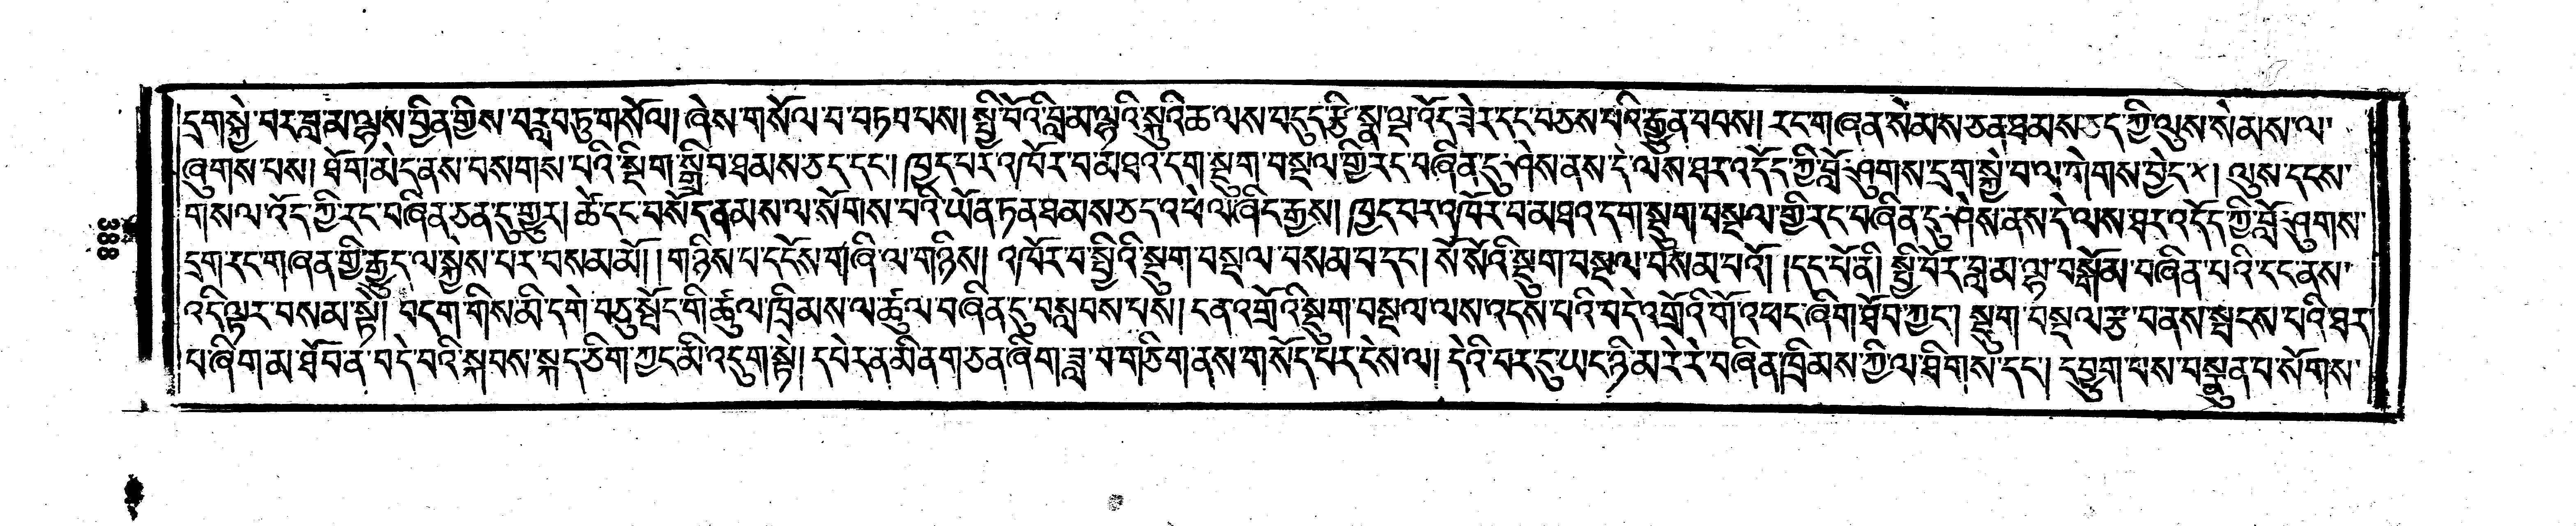དྲག་སྐྱེ་བར་བླ་མ་ལྷས་བྱིན་གྱིས་བརླབ་ཏུ་གསོལ། ཞེས་གསོལ་བ་བཏབ་པས། སྤྱི་བོའི་བླ་མ་ལྷའི་སྐུའི་ཆ་ལས་བདུད་རྩི་སྣ་ལྔ་འོད་ཟེར་དང་བཅས་པའི་རྒྱུན་བབས། རང་གཞན་སེམས་ཅན་ཐམས་ཅད་ཀྱི་ལུས་སེམས་ལ་
ཞུགས་པས། ཐོག་མེད་ནས་བསགས་པའི་སྡིག་སྒྲིབ་ཐམས་ཅད་དང་། ཁྱད་པར་འཁོར་བ་མཐའ་དག་སྡུག་བསྔལ་གྱི་རང་བཞིན་དུ་ཤེས་ནས་དེ་ལས་ཐར་འདོད་ཀྱི་བློ་ཤུགས་དྲག་སྐྱེ་བ་ལ་གེགས་བྱེད་྾། ལུས་དངས་
གསལ་འོད་ཀྱི་རང་བཞིན་ཅན་དུ་གྱུར། ཚེ་དང་བསོད་ནམས་ལ་སོགས་པའི་ཡོན་ཏན་ཐམས་ཅད་འཕེལ་ཞིང་རྒྱས། ཁྱད་པར་འཁོར་བ་མཐའ་དག་སྡུག་བསྔལ་གྱི་རང་བཞིན་དུ་ཤེས་ནས་དེ་ལས་ཐར་འདོད་ཀྱི་བློ་ཤུགས་
དྲག་རང་གཞན་གྱི་རྒྱུད་ལ་སྐྱེས་པར་བསམ་མོ། །གཉིས་པ་དངོས་གཞི་ལ་གཉིས། འཁོར་བ་སྤྱིའི་སྡུག་བསྔལ་བསམ་པ་དང་། སོ་སོའི་སྡུག་བསྔལ་བསམ་པའོ། །དང་པོ་ནི། སྤྱི་བོར་བླ་མ་ལྷ་བསྒོམ་བཞིན་པའི་ངང་ནས་
འདི་ལྟར་བསམ་སྟེ། བདག་གིས་མི་དགེ་བཅུ་སྤོང་གི་ཚུལ་ཁྲིམས་ལ་ཚུལ་བཞིན་དུ་བསླབས་པས། ངན་འགྲོའི་སྡུག་བསྔལ་ལས་འདས་པའི་བདེ་འགྲོའི་གོ་འཕང་ཞིག་ཐོབ་ཀྱང་། སྡུག་བསྔལ་རྩ་བ་ནས་སྤངས་པའི་ཐར་
པ་ཞིག་མ་ཐོབ་ན་བདེ་བའི་སྐབས་སྐད་ཅིག་ཀྱང་མི་འདུག་སྟེ། དཔེར་ན་མི་ནག་ཅན་ཞིག་ཟླ་བ་གཅིག་ནས་གསོད་པར་ངེས་ལ། དེའི་བར་དུ་ཡང་ཉི་མ་རེ་རེ་བཞིན་ཁྲིམས་ཀྱི་ལ་ཐིགས་དང་། དབྱུག་པས་བསྣུན་པ་སོགས་